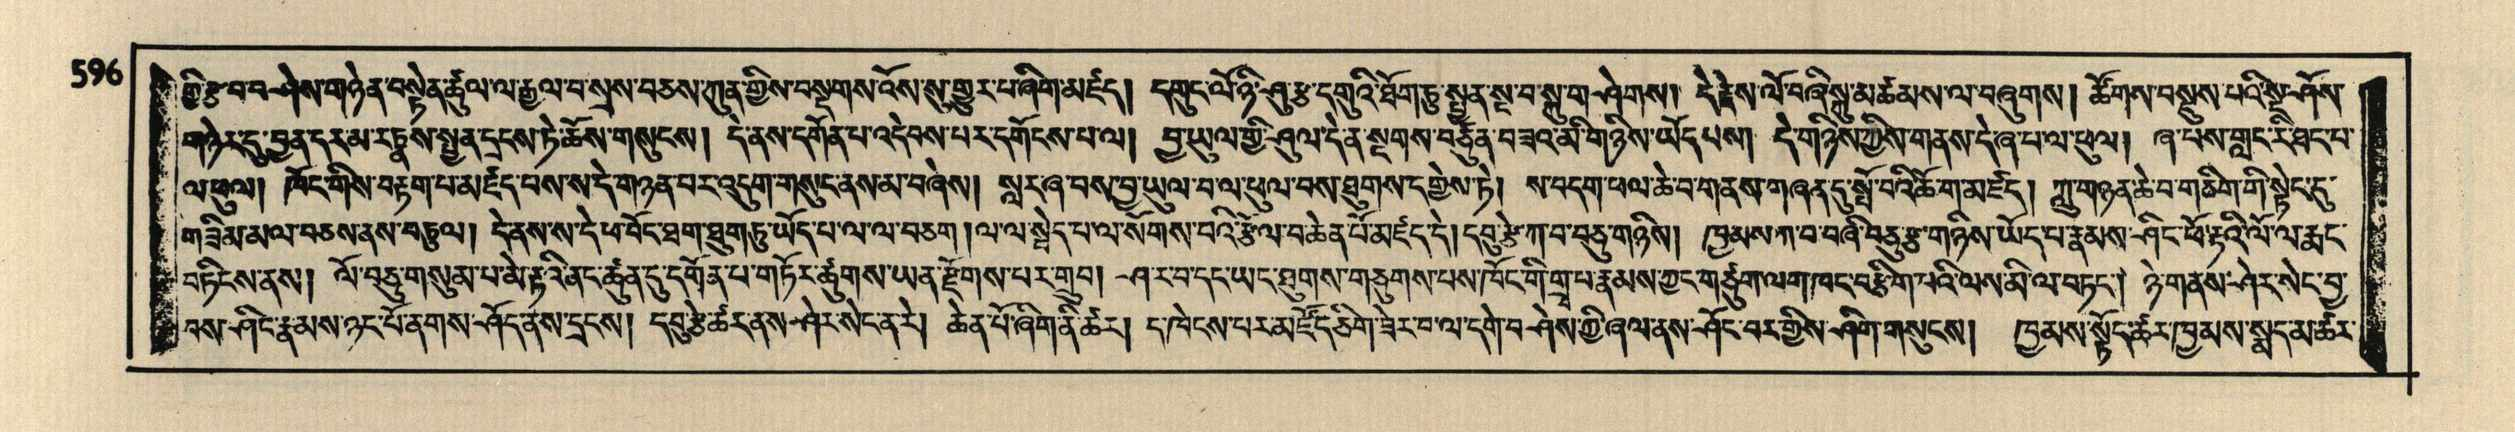གྱི་རྩ་བ་བཤེས་གཉེན་བསྟེན་ཚུལ་ལ་རྒྱལ་བ་སྲས་བཅས་ཀུན་གྱིས་བསྔགས་འོས་སུ་གྱུར་པ་ཞིག་མཛད། དགུང་ལོ་ཉི་ཤུ་རྩ་དགུའི་ཐོག་ཏུ་སྤྱན་སྔ་བ་སྐུ་གཤེགས། དེ་རྗེས་ལོ་བཞི་སྐུ་མཚམས་ལ་བཞུགས། ཚོགས་བསྡུས་པའི་སྔ་ཤོས་
གཉེར་དུ་བྱན་དར་མ་རཏྣས་སྤྱན་དྲངས་ཏེ་ཆོས་གསུངས། དེ་ནས་དགོན་པ་འདེབས་པར་དགོངས་པ་ལ། བྱ་ཡུལ་གྱི་ཤུལ་དེ་ན་སྔགས་བཙུན་བཟའ་མི་གཉིས་ཡོད་པས། དེ་གཉིས་ཀྱིས་གནས་དེ་ཞ་པ་ལ་ཕུལ། ཞ་པས་གླང་རི་ཐང་པ་
ལ་ཕུལ། ཁོང་གིས་བརྟག་པ་མཛད་པས་ས་དེ་གཉན་པར་འདུག་གསུང་ནས་མ་བཞེས། སླར་ཞ་བས་བྱ་ཡུལ་བ་ལ་ཕུལ་བས་ཐུགས་དགྱེས་ཏེ། ས་བདག་ཕལ་ཆེ་བ་གནས་གཞན་དུ་སྤོ་བའི་ཆོ་ག་མཛད། ཀླུ་གཉན་ཆེ་བ་གཅིག་གི་སྟེང་དུ་
གཟིམ་མལ་བཅས་ནས་བཏུལ། དེ་ནས་ས་དེ་ཕ་བོང་ཐག་ཐུག་ཏུ་ཡོད་པ་ལ་ལ་བཅག །ལ་ལ་སྦེད་པ་ལ་སོགས་བའི་རྩོལ་བ་ཆེན་པོ་མཛད་དེ། དབུ་རྩེ་ཀ་བ་བཅུ་གཉིས། ཁྱམས་ཀ་བ་བཞི་བཅུ་རྩ་གཉིས་ཡོད་པ་རྣམས་ཤིང་ཕོ་རྟའི་ལོ་ལ་རྨང་
བཏིངས་ནས། ལོ་བཅུ་གསུམ་པ་མེ་རྟའི་ནང་ཚུན་དུ་དགོན་པ་གཏོར་ཚུགས་ཡན་རྫོགས་པར་གྲུབ། ཤ་ར་བ་དང་ཡང་ཐུགས་གཅུགས་པས་ཁོང་གི་གྲྭ་པ་རྣམས་ཀྱང་གཙུག་ལག་ཁང་བརྩིག་པའི་ལས་མི་ལ་བཏང་། ཉེ་གནས་ཤེར་སེང་བྱ་
བས་ཤིང་རྣམས་ཉང་པོ་ནགས་ཤོད་ནས་དྲངས། དབུ་རྩེ་ཚར་ནས་ཤེར་སེང་ན་རེ། ཆེན་པོ་ཞིག་ནི་ཚར། ད་ཁེངས་པར་མཛོད་ཅིག་ཟེར་བ་ལ་དགེ་བཤེས་ཀྱི་ཞལ་ནས་ཤོང་བར་གྱིས་ཤིག་གསུངས། ཁྱམས་སྟོད་ཚར་ཁྱམས་སྨད་མཚར་